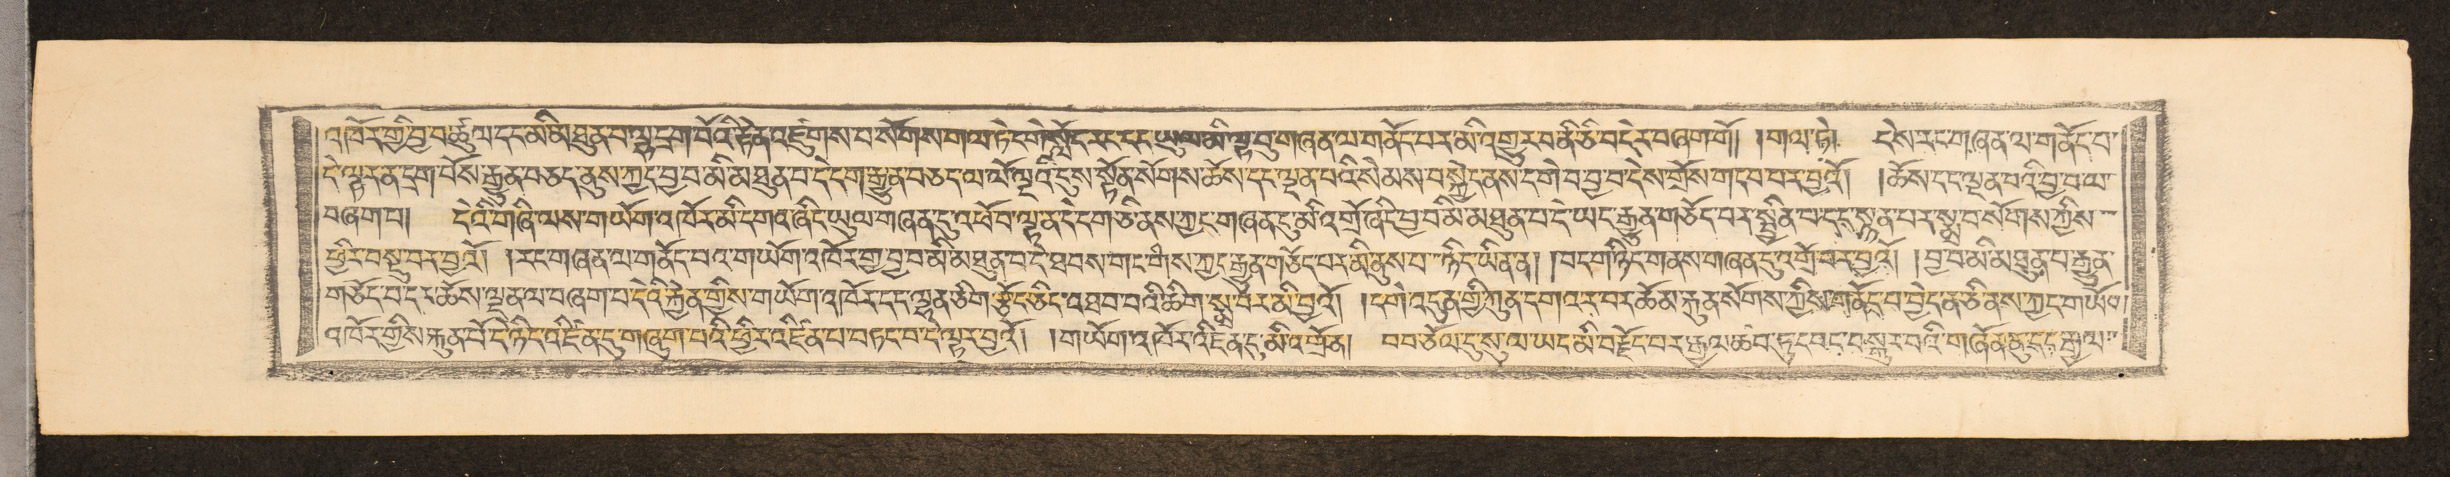འཁོར་གྱི་བྱ་བ་ཚུལ་དང་མི་མཐུན་པ་ལྷ་དྲག་པོའི་རྟེན་འཛུགས་པ་སོགས་གལ་ཏེ་དགེ་སློང་རང་དང་ཡུལ་མི་ལྟ་བུ་གཞན་ལ་གནོད་པར་མི་འགྱུར་བ་ནི་ཅི་བདེར་བཞག་གོ། །གལ་ཏེ། དེས་རང་གཞན་ལ་གནོད་པ་
དེ་ལྟར་ན་དྲག་པོས་རྒྱུན་བཅད་ནུས་ཀྱང་བྱ་བ་མི་མཐུན་པ་དེ་དག་རྒྱུན་བཅད་ལ་ལོ་ལྔའི་དུས་སྟོན་སོགས་ཆོས་དང་ལྡན་པའི་སེམས་བསྐྱེད་ནས་དགེ་བ་བྱ་བ་དེས་གྲོས་གདབ་པར་བྱའོ། །ཆོས་དང་ལྡན་པའི་བྱ་བ་ལ་
བཞག་པ། དེའི་གཞི་ལས་གཡོག་འཁོར་མི་དགའ་ཞིང་ཡུལ་གཞན་དུ་འཕོ་བ་ལྟ་ན་དེ་དག་ཅི་ནས་ཀྱང་གཞན་དུ་མི་འགྲོ་ཞིང་བྱ་བ་མི་མཐུན་པ་དེ་ཡང་རྒྱུན་གཅོད་པར་སྦྱིན་པ་དང་སྙན་པར་སྨྲ་བ་སོགས་ཀྱིས་
ཕྱིར་བསྡུ་བར་བྱའོ། །རང་གཞན་ལ་གནོད་པའི་གཡོག་འཁོར་གྱི་བྱ་བ་མི་མཐུན་པ་དེ་ཐབས་གང་གིས་ཀྱང་རྒྱུན་གཅོད་པར་མི་ནུས་པ་ཉིད་ཡིན་ན། །བདག་ཉིད་གནས་གཞན་དུ་འགྲོ་བར་བྱའོ། །བྱ་བ་མི་མཐུན་པ་རྒྱུན་
གཅོད་པ་དང་ཆོས་ལྡན་ལ་བཞག་པ་དེའི་རྐྱེན་གྱིས་གཡོག་འཁོར་དང་ལྷན་ཅིག་རྩོད་ཅིང་འཐབ་པའི་ཚིག་སྨྲ་བར་མི་བྱའོ། །དགེ་འདུན་གྱི་ཀུན་དགའ་ར་བར་ཆོམ་རྐུན་སོགས་ཀྱིས་གནོད་པ་བྱེད་ན་ཅི་ནས་ཀྱང་གཡོག་
འཁོར་གྱིས་རྐུན་པོ་དེ་ཉིད་འཛིན་དུ་གཞུག་པའི་ཕྱིར་འཛིན་པ་བཏང་བ་དེ་ལྟར་བྱའོ། །གཡོག་འཁོར་འཛིན་དུ་མི་འགྲོ་ན། བབ་ཅོལ་དུ་སུ་ལ་ཡང་མི་བརྗོད་པར་རྒྱལ་ཚབ་ཏུ་དབང་བསྐུར་བའི་གཞོན་ནུ་དང་རྒྱལ་